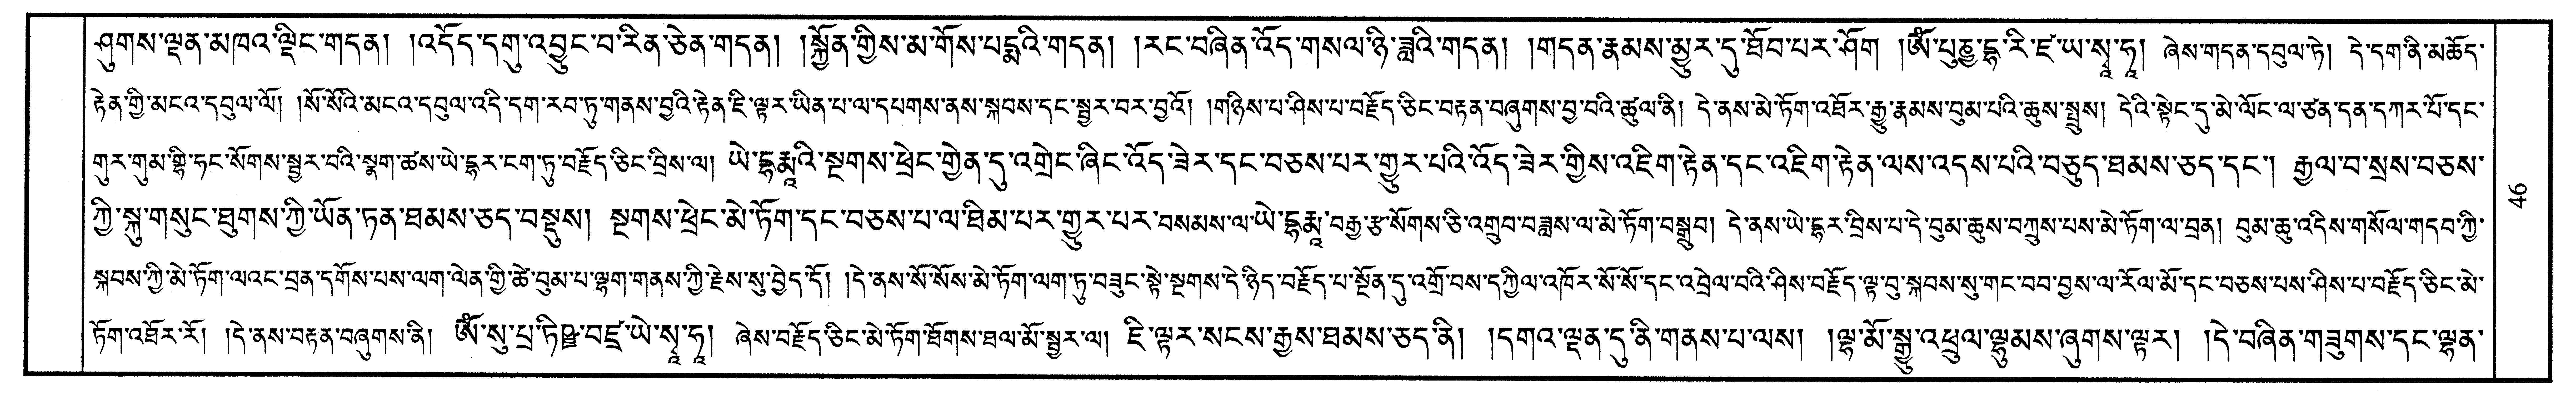ཤུགས་ལྡན་མཁའ་ལྡིང་གདན། །འདོད་དགུ་འབྱུང་བ་རིན་ཅེན་གདན། །སྐྱོན་གྱིས་མ་གོས་པདམའི་གདན། །རང་བཞིན་འོད་གསལ་ཉི་ཟླའི་གདན། །གདན་རྣམས་མྱུར་དུ་ཐོབ་པར་ཤོག །ཨོཾ་པུཎྱ་དྷ་རི་ཛ་ཡ་སྭཱ་ཧཱ། ཞེས་གདན་དབུལ་ཏེ། དེ་དག་ནི་མཆོད་
རྟེན་གྱི་མངའ་དབུལ་ལོ། །སོ་སོའི་མངའ་དབུལ་འདི་དག་རབ་ཏུ་གནས་བྱའི་རྟེན་ཇི་ལྟར་ཡིན་པ་ལ་དཔགས་ནས་སྐབས་དང་སྦྱར་བར་བྱའོ། །གཉིས་པ་ཤིས་པ་བརྗོད་ཅིང་བརྟན་བཞུགས་བྱ་བའི་ཚུལ་ནི། དེ་ནས་མེ་ཏོག་འཐོར་རྒྱུ་རྣམས་བུམ་པའི་ཆུས་སྤྲས། དེའི་སྟེང་དུ་མེ་ལོང་ལ་ཙན་དན་དཀར་པོ་དང་
གུར་གུམ་གྷི་ཧང་སོགས་སྦྱར་བའི་སྣག་ཚས་ཡེ་དྷར་ངག་ཏུ་བརྗོད་ཅིང་བྲིས་ལ། ཡེ་དྷརྨཱའི་སྔགས་ཕྲེང་གྱེན་དུ་འགྲེང་ཞིང་འོད་ཟེར་དང་བཅས་པར་གྱུར་པའི་འོད་ཟེར་གྱིས་འཇིག་རྟེན་དང་འཇིག་རྟེན་ལས་འདས་པའི་བཅུད་ཐམས་ཅད་དང་། རྒྱལ་བ་སྲས་བཅས་
ཀྱི་སྐུ་གསུང་ཐུགས་ཀྱི་ཡོན་ཏན་ཐམས་ཅད་བསྡུས། སྔགས་ཕྲེང་མེ་ཏོག་དང་བཅས་པ་ལ་ཐིམ་པར་གྱུར་པར་བསམས་ལ་ཡེ་དྷརྨཱ་བརྒྱ་རྩ་སོགས་ཅི་འགྲུབ་བཟླས་ལ་མེ་ཏོག་བསྒྲུབ། དེ་ནས་ཡེ་དྷར་བྲིས་པ་དེ་བུམ་ཆུས་བཀྲུས་པས་མེ་ཏོག་ལ་བྲན། བུམ་ཆུ་འདིས་གསོལ་གདབ་ཀྱི་
སྐབས་ཀྱི་མེ་ཏོག་ལའང་བྲན་དགོས་པས་ལག་ལེན་གྱི་ཚེ་བུམ་པ་ལྷག་གནས་ཀྱི་རྗེས་སུ་བྱེད་དོ། །དེ་ནས་སོ་སོས་མེ་ཏོག་ལག་ཏུ་བཟུང་སྟེ་སྔགས་དེ་ཉིད་བརྗོད་པ་སྔོན་དུ་འགྲོ་བས་དཀྱིལ་འཁོར་སོ་སོ་དང་འབྲེལ་བའི་ཤིས་བརྗོད་ལྟ་བུ་སྐབས་སུ་གང་བབ་བྱས་ལ་རོལ་མོ་དང་བཅས་པས་ཤིས་པ་བརྗོད་ཅིང་མེ་
ཏོག་འཐོར་རོ། །དེ་ནས་བརྟན་བཞུགས་ནི། ཨོཾ་སུ་པྲ་ཏིཥཊཿཨ་བཛྲ་ཡེ་སྭཱ་ཧཱ། ཞེས་བརྗོད་ཅིང་མེ་ཏོག་ཐོགས་ཐལ་མོ་སྦྱར་ལ། ཇི་ལྟར་སངས་རྒྱས་ཐམས་ཅད་ནི། །དགའ་ལྡན་དུ་ནི་གནས་པ་ལས། །ལྷ་མོ་སྒྱུ་འཕྲུལ་ལྷུམས་ཞུགས་ལྟར། །དེ་བཞིན་གཟུགས་ལྷན་